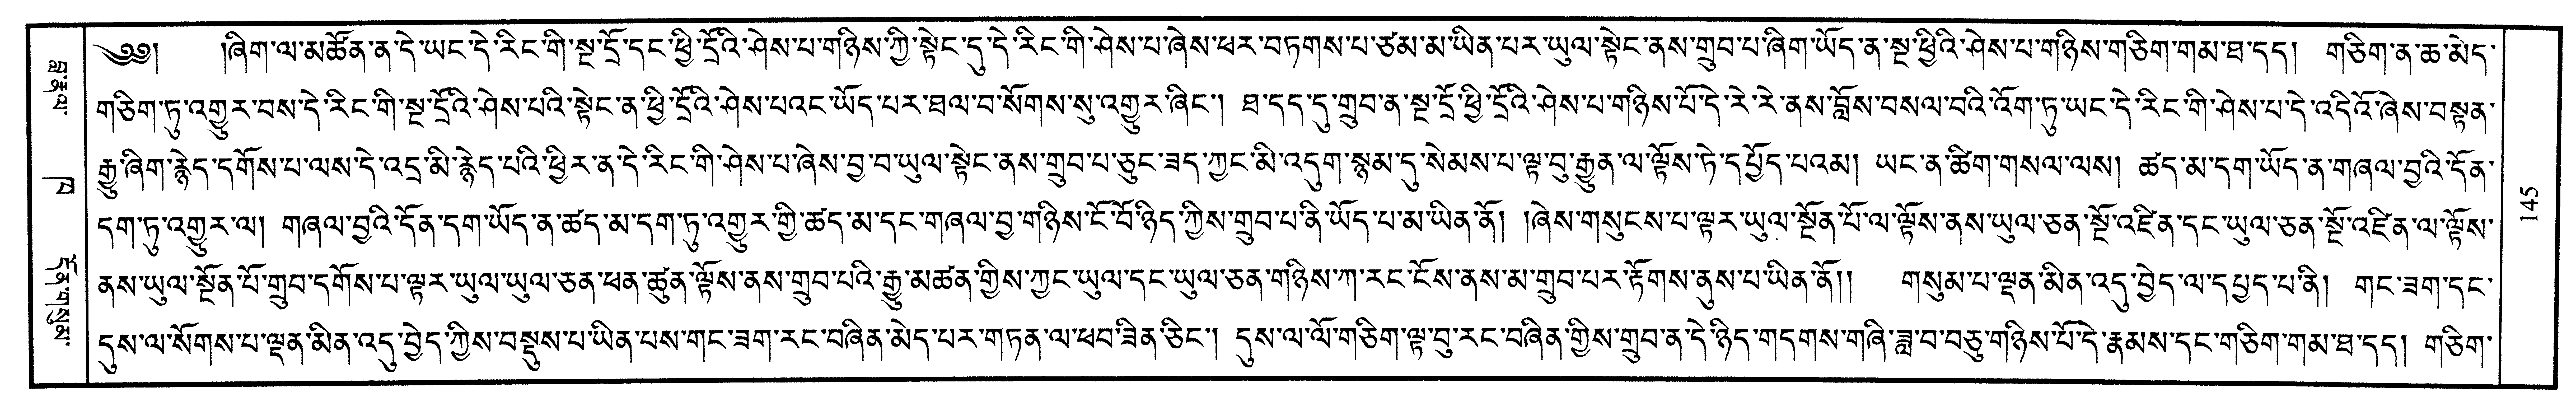༄༅། །ཞིག་ལ་མཚོན་ན་དེ་ཡང་དེ་རིང་གི་སྔ་དྲོ་དང་ཕྱི་དྲོའི་ཤེས་པ་གཉིས་ཀྱི་སྟེང་དུ་དེ་རིང་གི་ཤེས་པ་ཞེས་ཕར་བཏགས་པ་ཙམ་མ་ཡིན་པར་ཡུལ་སྟེང་ནས་གྲུབ་པ་ཞིག་ཡོད་ན་སྔ་ཕྱིའི་ཤེས་པ་གཉིས་གཅིག་གམ་ཐ་དད། གཅིག་ན་ཆ་མེད་
གཅིག་ཏུ་འགྱུར་བས་དེ་རིང་གི་སྔ་དྲོའི་ཤེས་པའི་སྟེང་ན་ཕྱི་དྲོའི་ཤེས་པའང་ཡོད་པར་ཐལ་བ་སོགས་སུ་འགྱུར་ཞིང་། ཐ་དད་དུ་གྲུབ་ན་སྔ་དྲོ་ཕྱི་དྲོའི་ཤེས་པ་གཉིས་པོ་དེ་རེ་རེ་ནས་བློས་བསལ་བའི་འོག་ཏུ་ཡང་དེ་རིང་གི་ཤེས་པ་དེ་འདིའོ་ཞེས་བསྟན་
རྒྱུ་ཞིག་རྙེད་དགོས་པ་ལས་དེ་འདྲ་མི་རྙེད་པའི་ཕྱིར་ན་དེ་རིང་གི་ཤེས་པ་ཞེས་བྱ་བ་ཡུལ་སྟེང་ནས་གྲུབ་པ་ཅུང་ཟད་ཀྱང་མི་འདུག་སྙམ་དུ་སེམས་པ་ལྟ་བུ་རྒྱུན་ལ་ལྟོས་དེ་དཔྱོད་པའམ། ཡང་ན་ཚིག་གསལ་ལས། ཚད་མ་དག་ཡོད་ན་གཞལ་བྱའི་དོན་
དག་ཏུ་འགྱུར་ལ། གཞལ་བྱའི་དོན་དག་ཡོད་ན་ཚད་མ་དག་ཏུ་འགྱུར་གྱི་ཚད་མ་དང་གཞལ་བྱ་གཉིས་ངོ་བོ་ཉིད་ཀྱིས་གྲུབ་པ་ནི་ཡོད་པ་མ་ཡིན་ནོ། །ཞེས་གསུངས་པ་ལྟར་ཡུལ་སྔོན་པོ་ལ་ལྟོས་ནས་ཡུལ་ཅན་སྔོ་འཛིན་དང་ཡུལ་ཅན་སྔོ་འཛིན་ལ་ལྟོས་
ནས་ཡུལ་སྔོན་པོ་གྲུབ་དགོས་པ་ལྟར་ཡུལ་ཡུལ་ཅན་ཕན་ཚུན་ལྟོས་ནས་གྲུབ་པའི་རྒྱུ་མཚན་གྱིས་ཀྱང་ཡུལ་དང་ཡུལ་ཅན་གཉིས་ཀ་རང་ངོས་ནས་མ་གྲུབ་པར་རྟོགས་ནུས་པ་ཡིན་ནོ།། གསུམ་པ་ལྡན་མིན་འདུ་བྱེད་ལ་དཔྱད་པ་ནི། གང་ཟག་དང་
དུས་ལ་སོགས་པ་ལྡན་མིན་འདུ་བྱེད་ཀྱིས་བསྡུས་པ་ཡིན་པས་གང་ཟག་རང་བཞིན་མེད་པར་གཏན་ལ་ཕབ་ཟིན་ཅིང་། དུས་ལ་ལོ་གཅིག་ལྟ་བུ་རང་བཞིན་གྱིས་གྲུབ་ན་དེ་ཉིད་གདགས་གཞི་ཟླ་བ་བཅུ་གཉིས་པོ་དེ་རྣམས་དང་གཅིག་གམ་ཐ་དད། གཅིག་